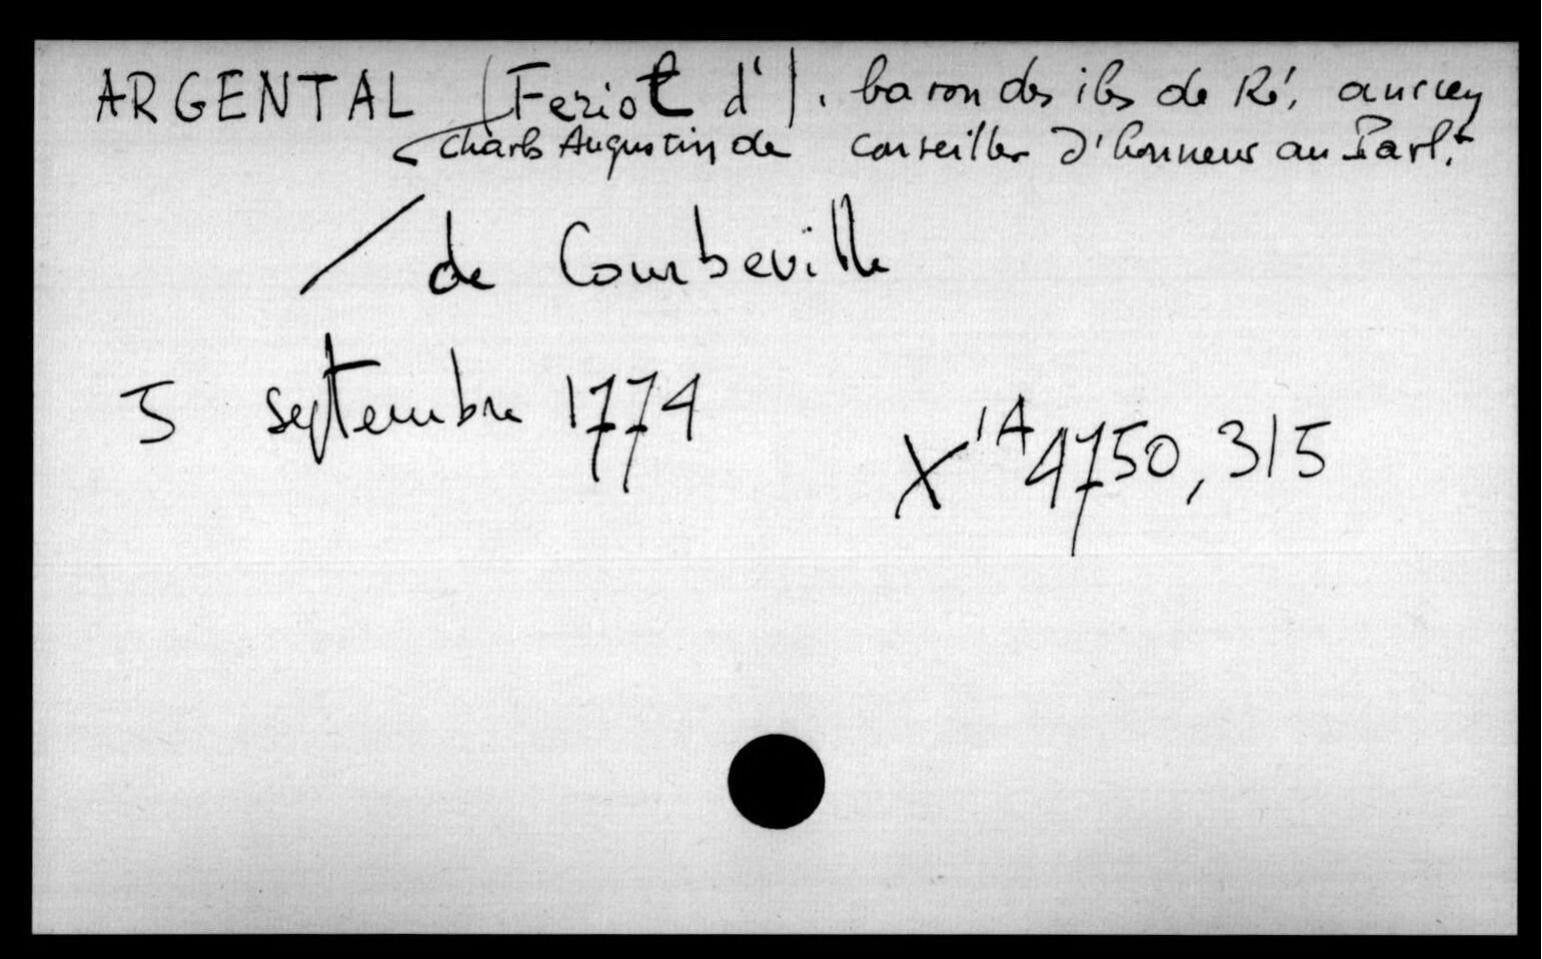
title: ARGENTAL (Charles Augustin de Feriol d'), baron des iles de Ré, conseiller d'honneur au Parlement
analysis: Contre de Courbeville
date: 5 septembre 1774
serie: X1A
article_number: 4750
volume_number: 315
